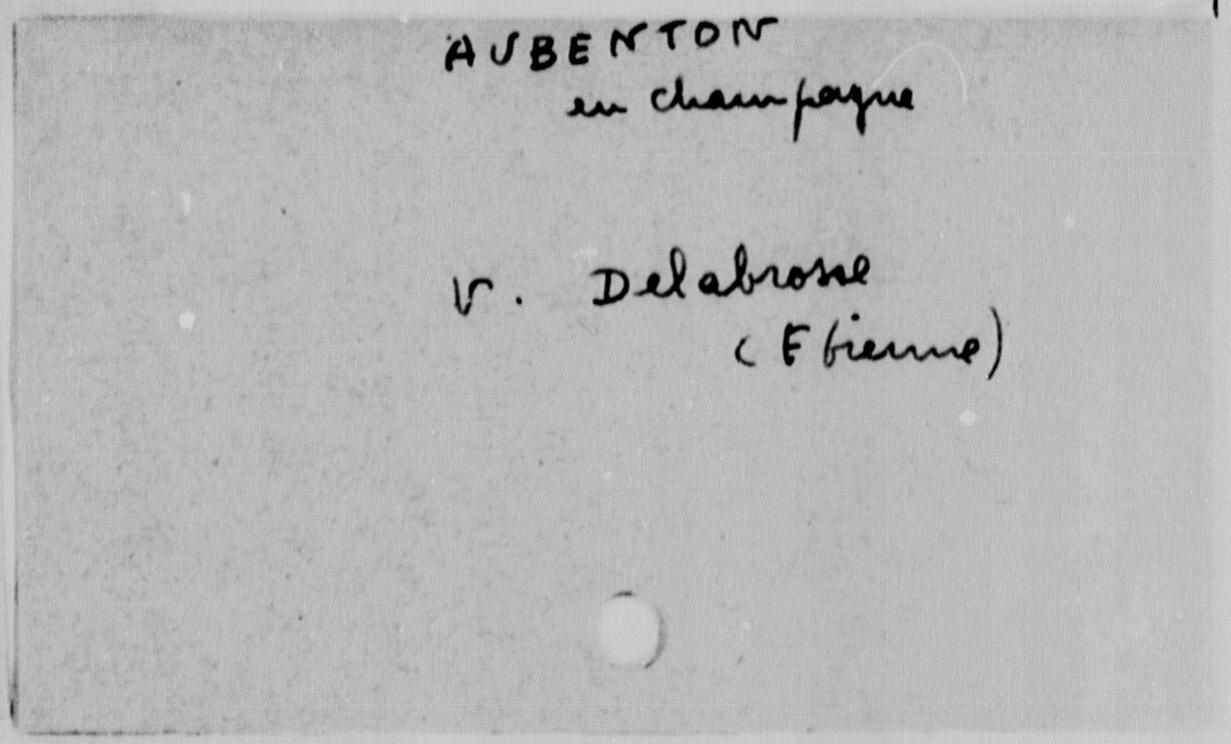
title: AUBENTON en Champagne
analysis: Voir Delabrosse (Etienne)
